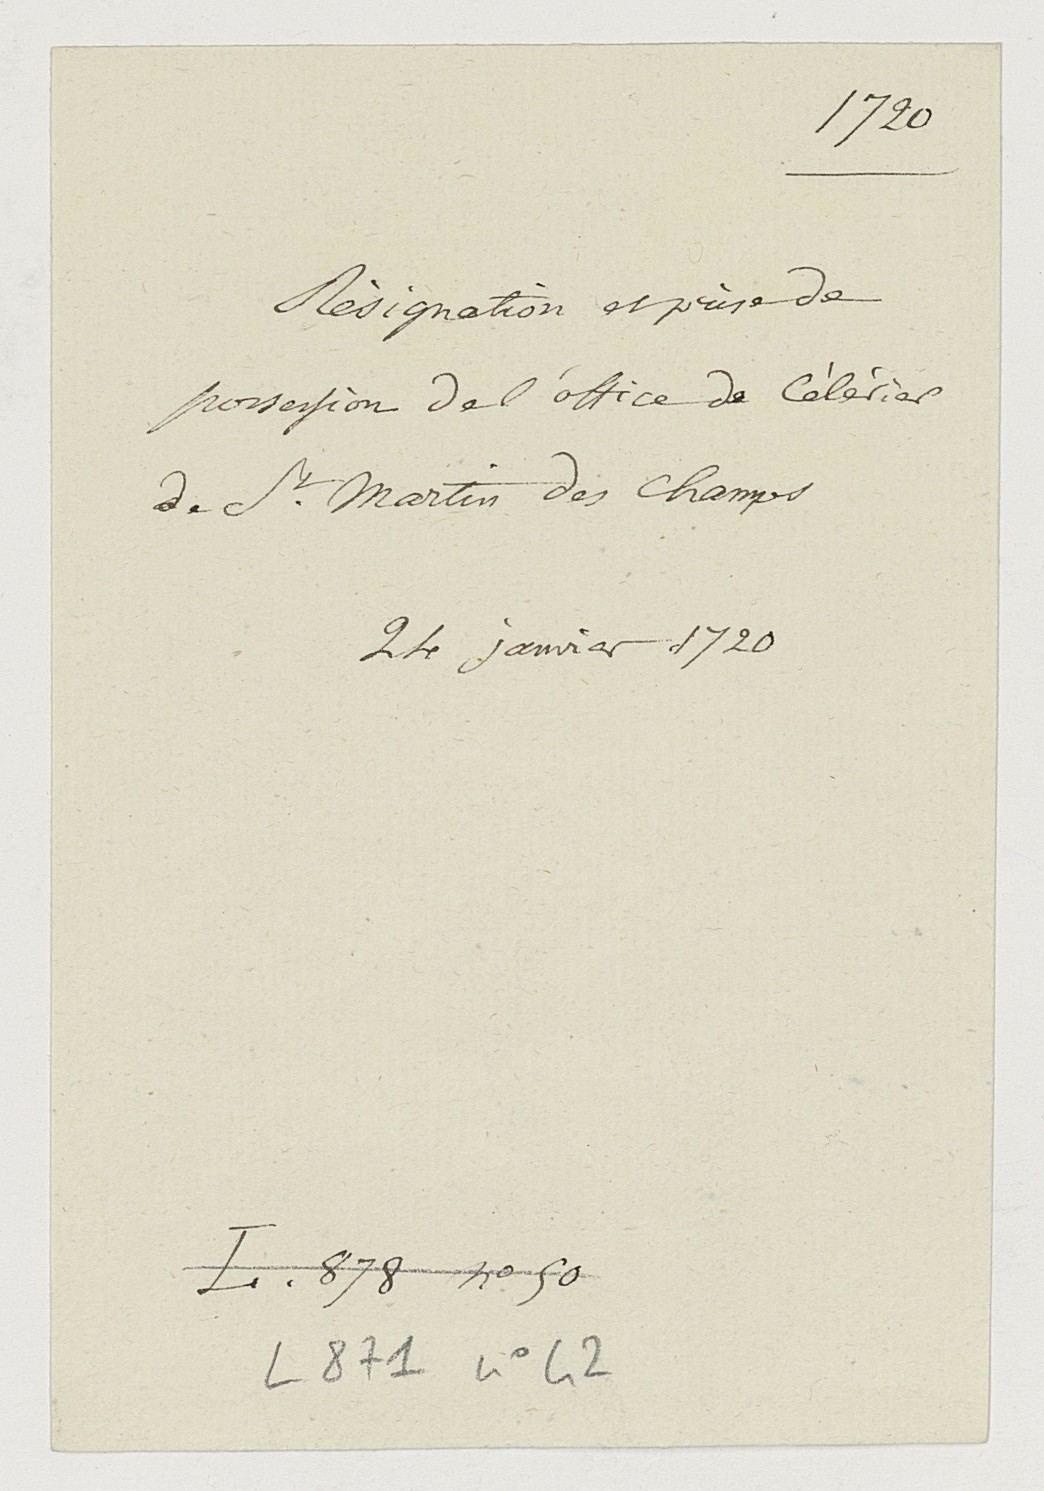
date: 1720
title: Résignation et prise de possession de l'office de Célérier de Saint-Martin des Champs
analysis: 24 janvier 1720
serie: L
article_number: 871
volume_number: n° 42
